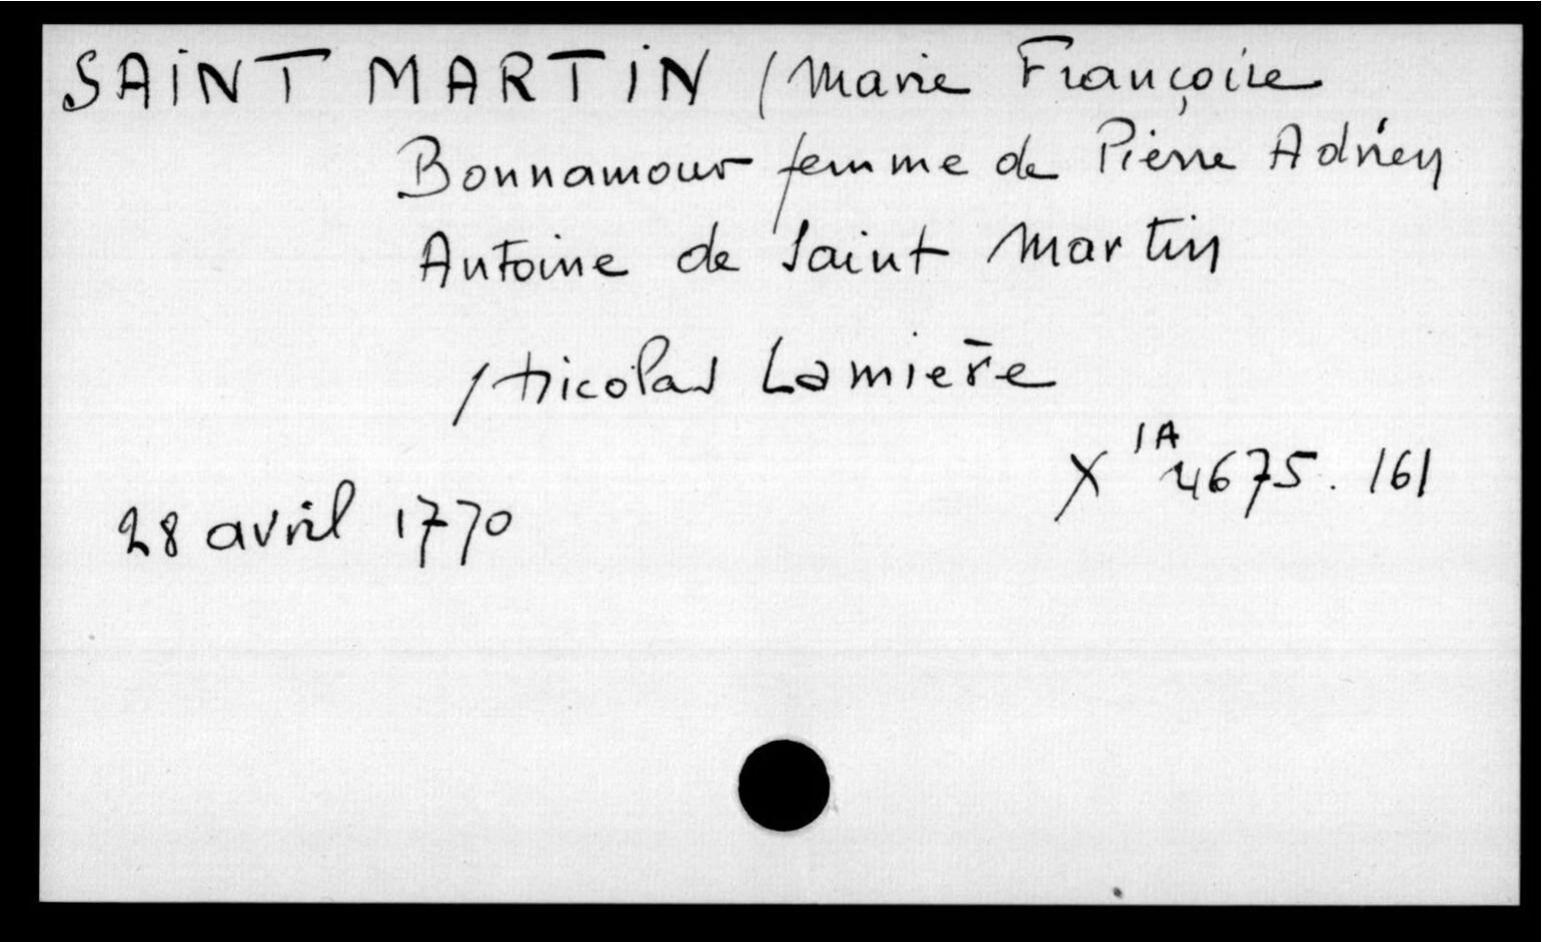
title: SAINT MARTIN (Marie Françoise Bonnamour femme de Pierre Adrien Antoine de Saint-Martin
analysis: Contre Nicolas Lamière
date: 28 avril 1770
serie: X1A
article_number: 4675
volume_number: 161
